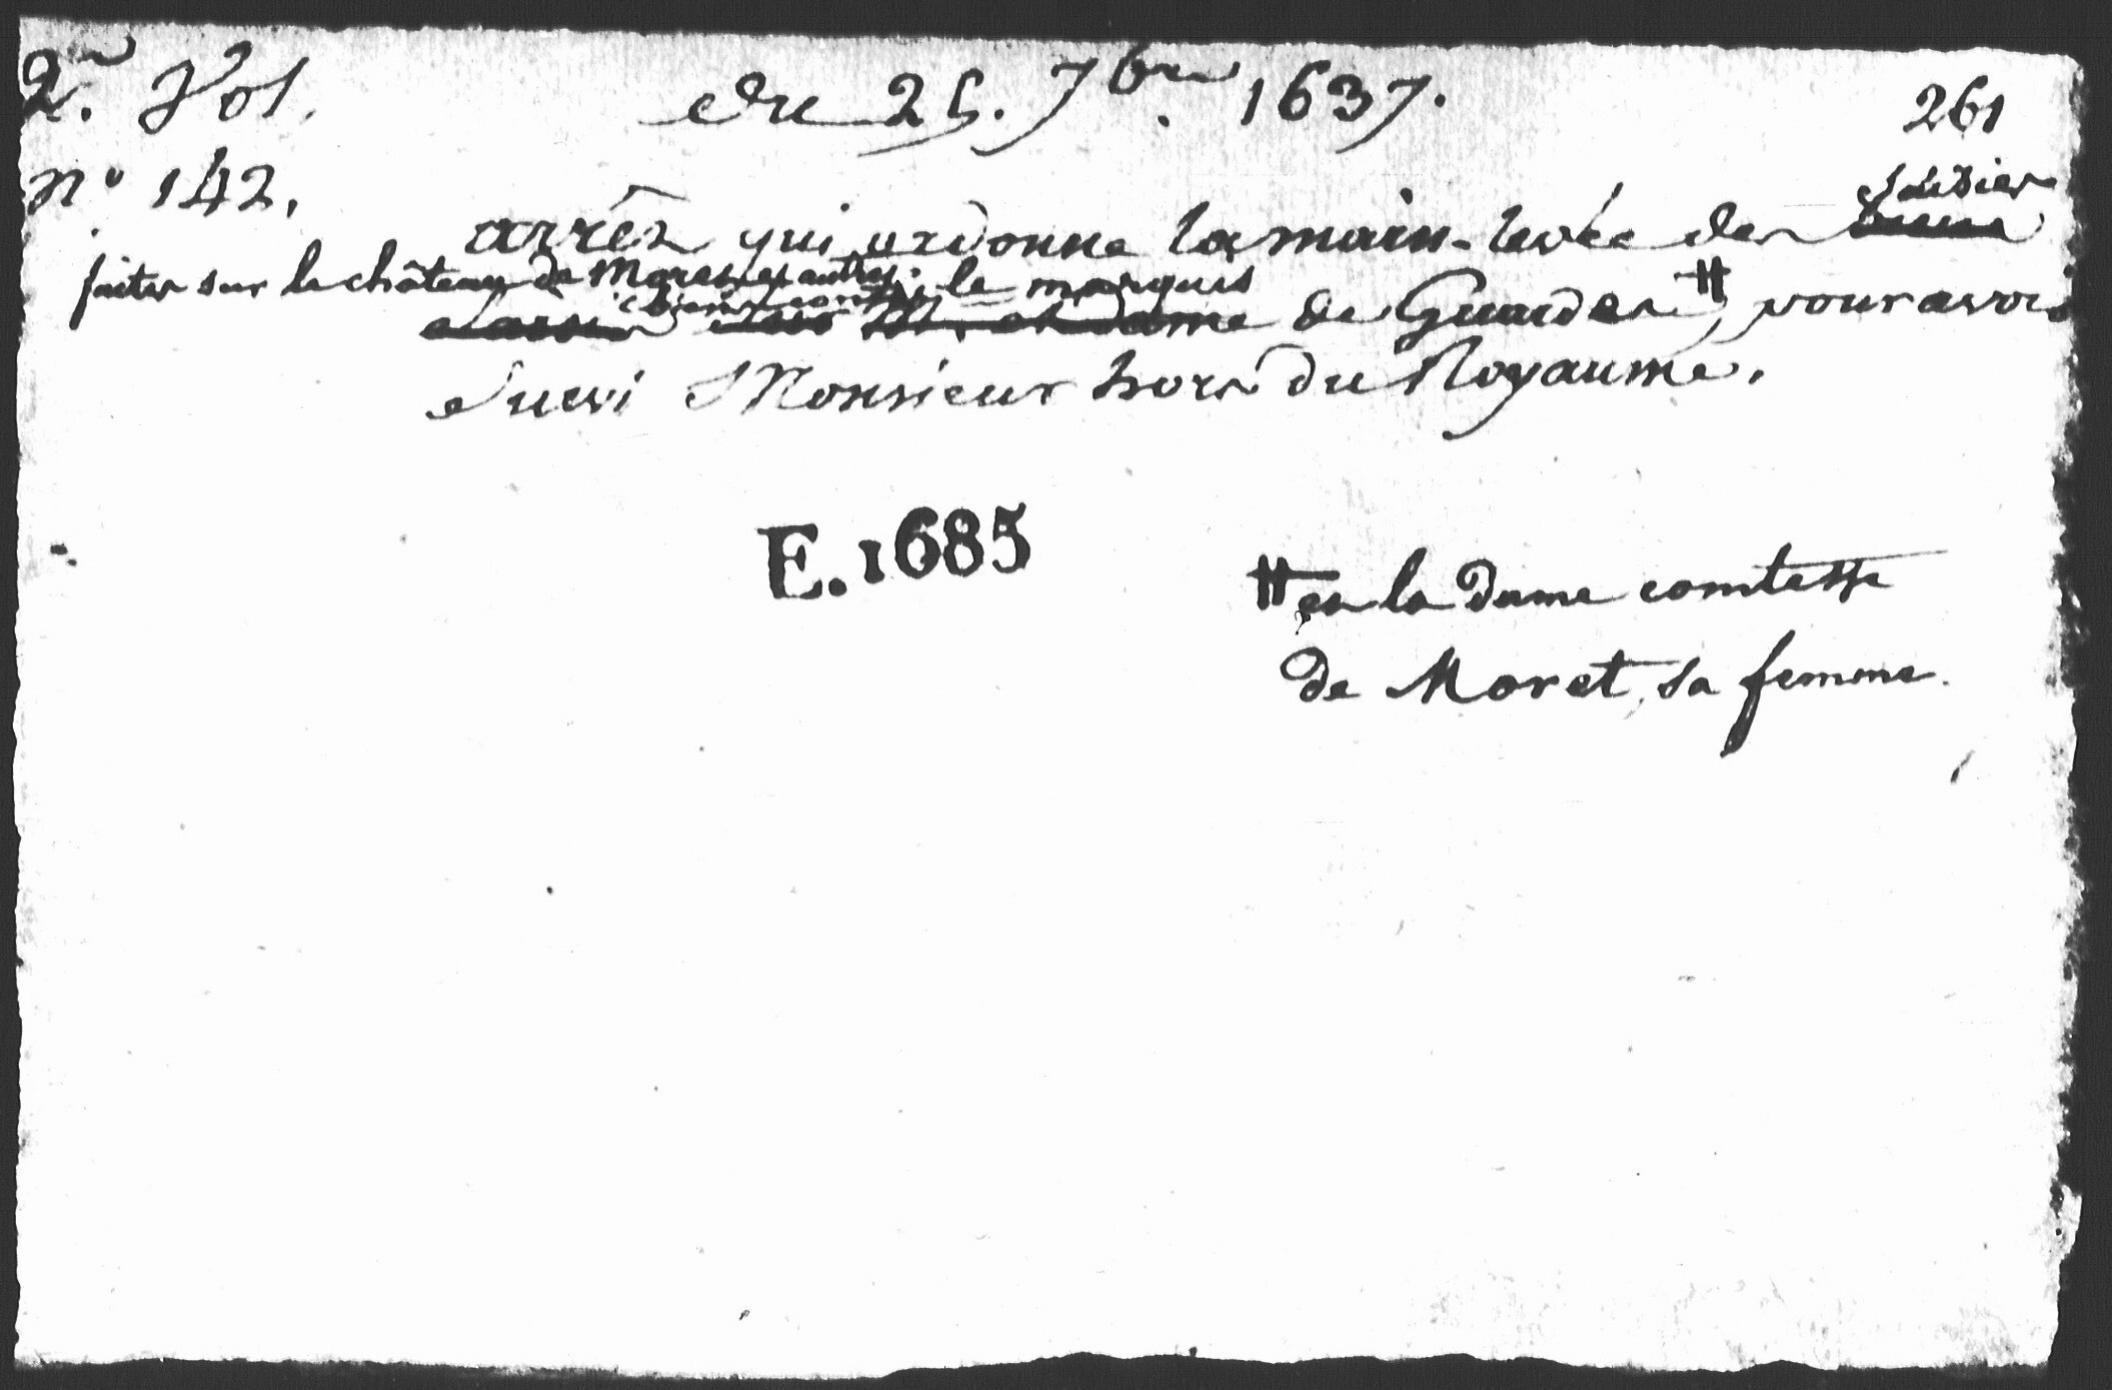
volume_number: n°142
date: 25 septembre 1637
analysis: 261
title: arrêt qui ordonne la main-levée des saisies faites sur le château de Moret et autres biens contre [saisis sur ... et dame : mots barrés] le marquis de Guardes et la dame comtesse de Moret, sa femme, pour avoir suivi Monsieur hors du Royaume.
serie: E
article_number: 1695
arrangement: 2. vol.
